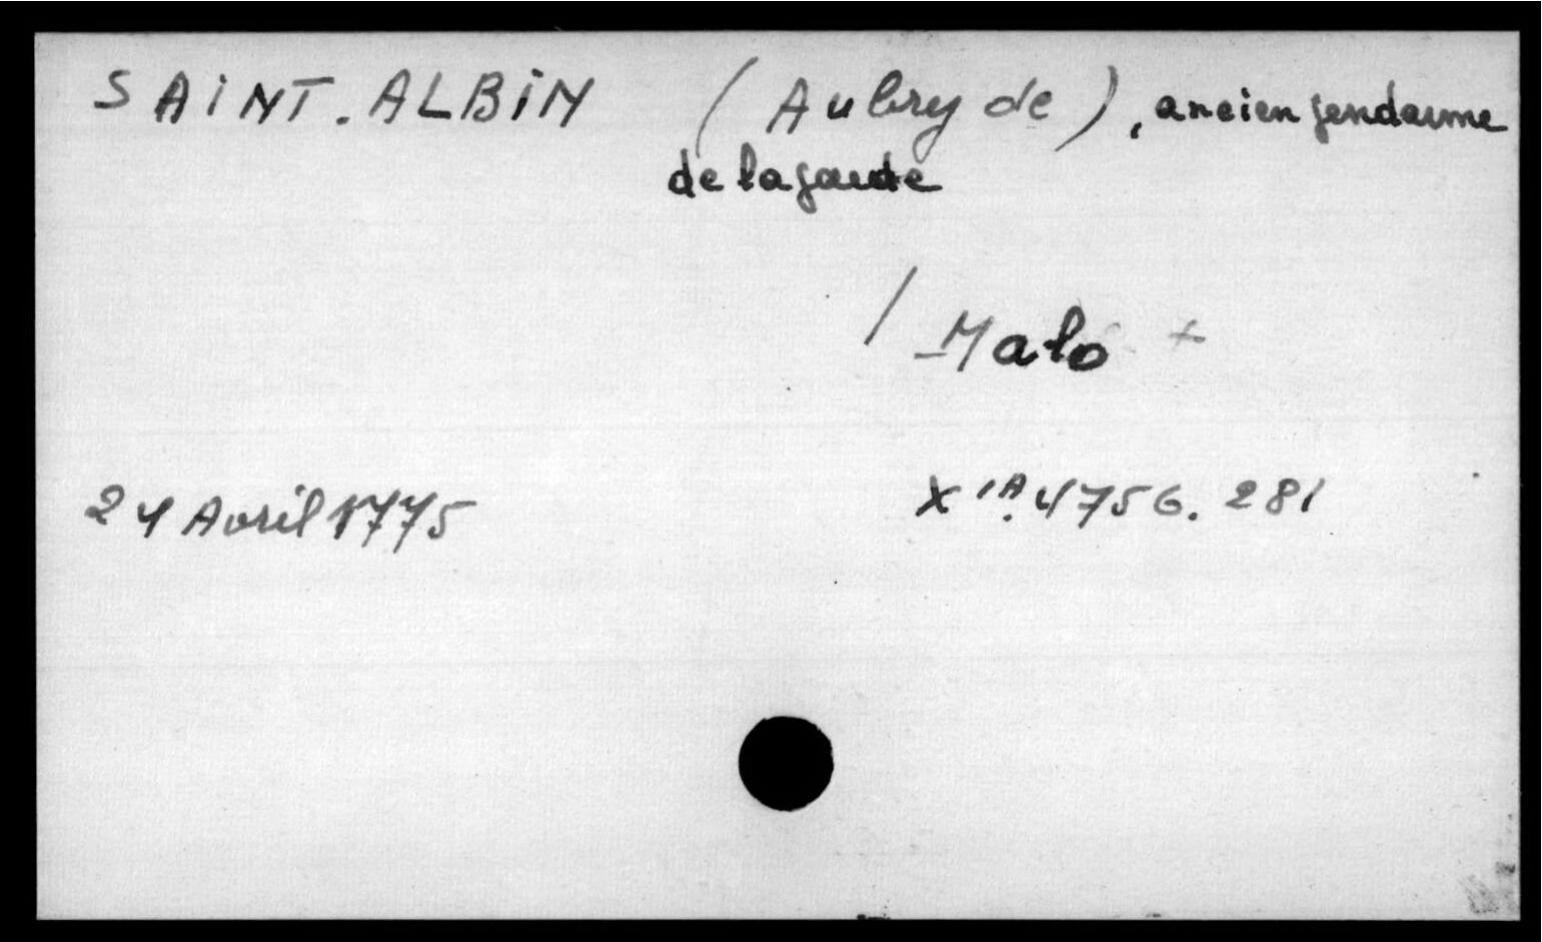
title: SAINT-ALBIN (Aubry de), ancien gendarme de la garde
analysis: Contre Malo
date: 24 avril 1775
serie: X1A
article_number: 4756
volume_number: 281
